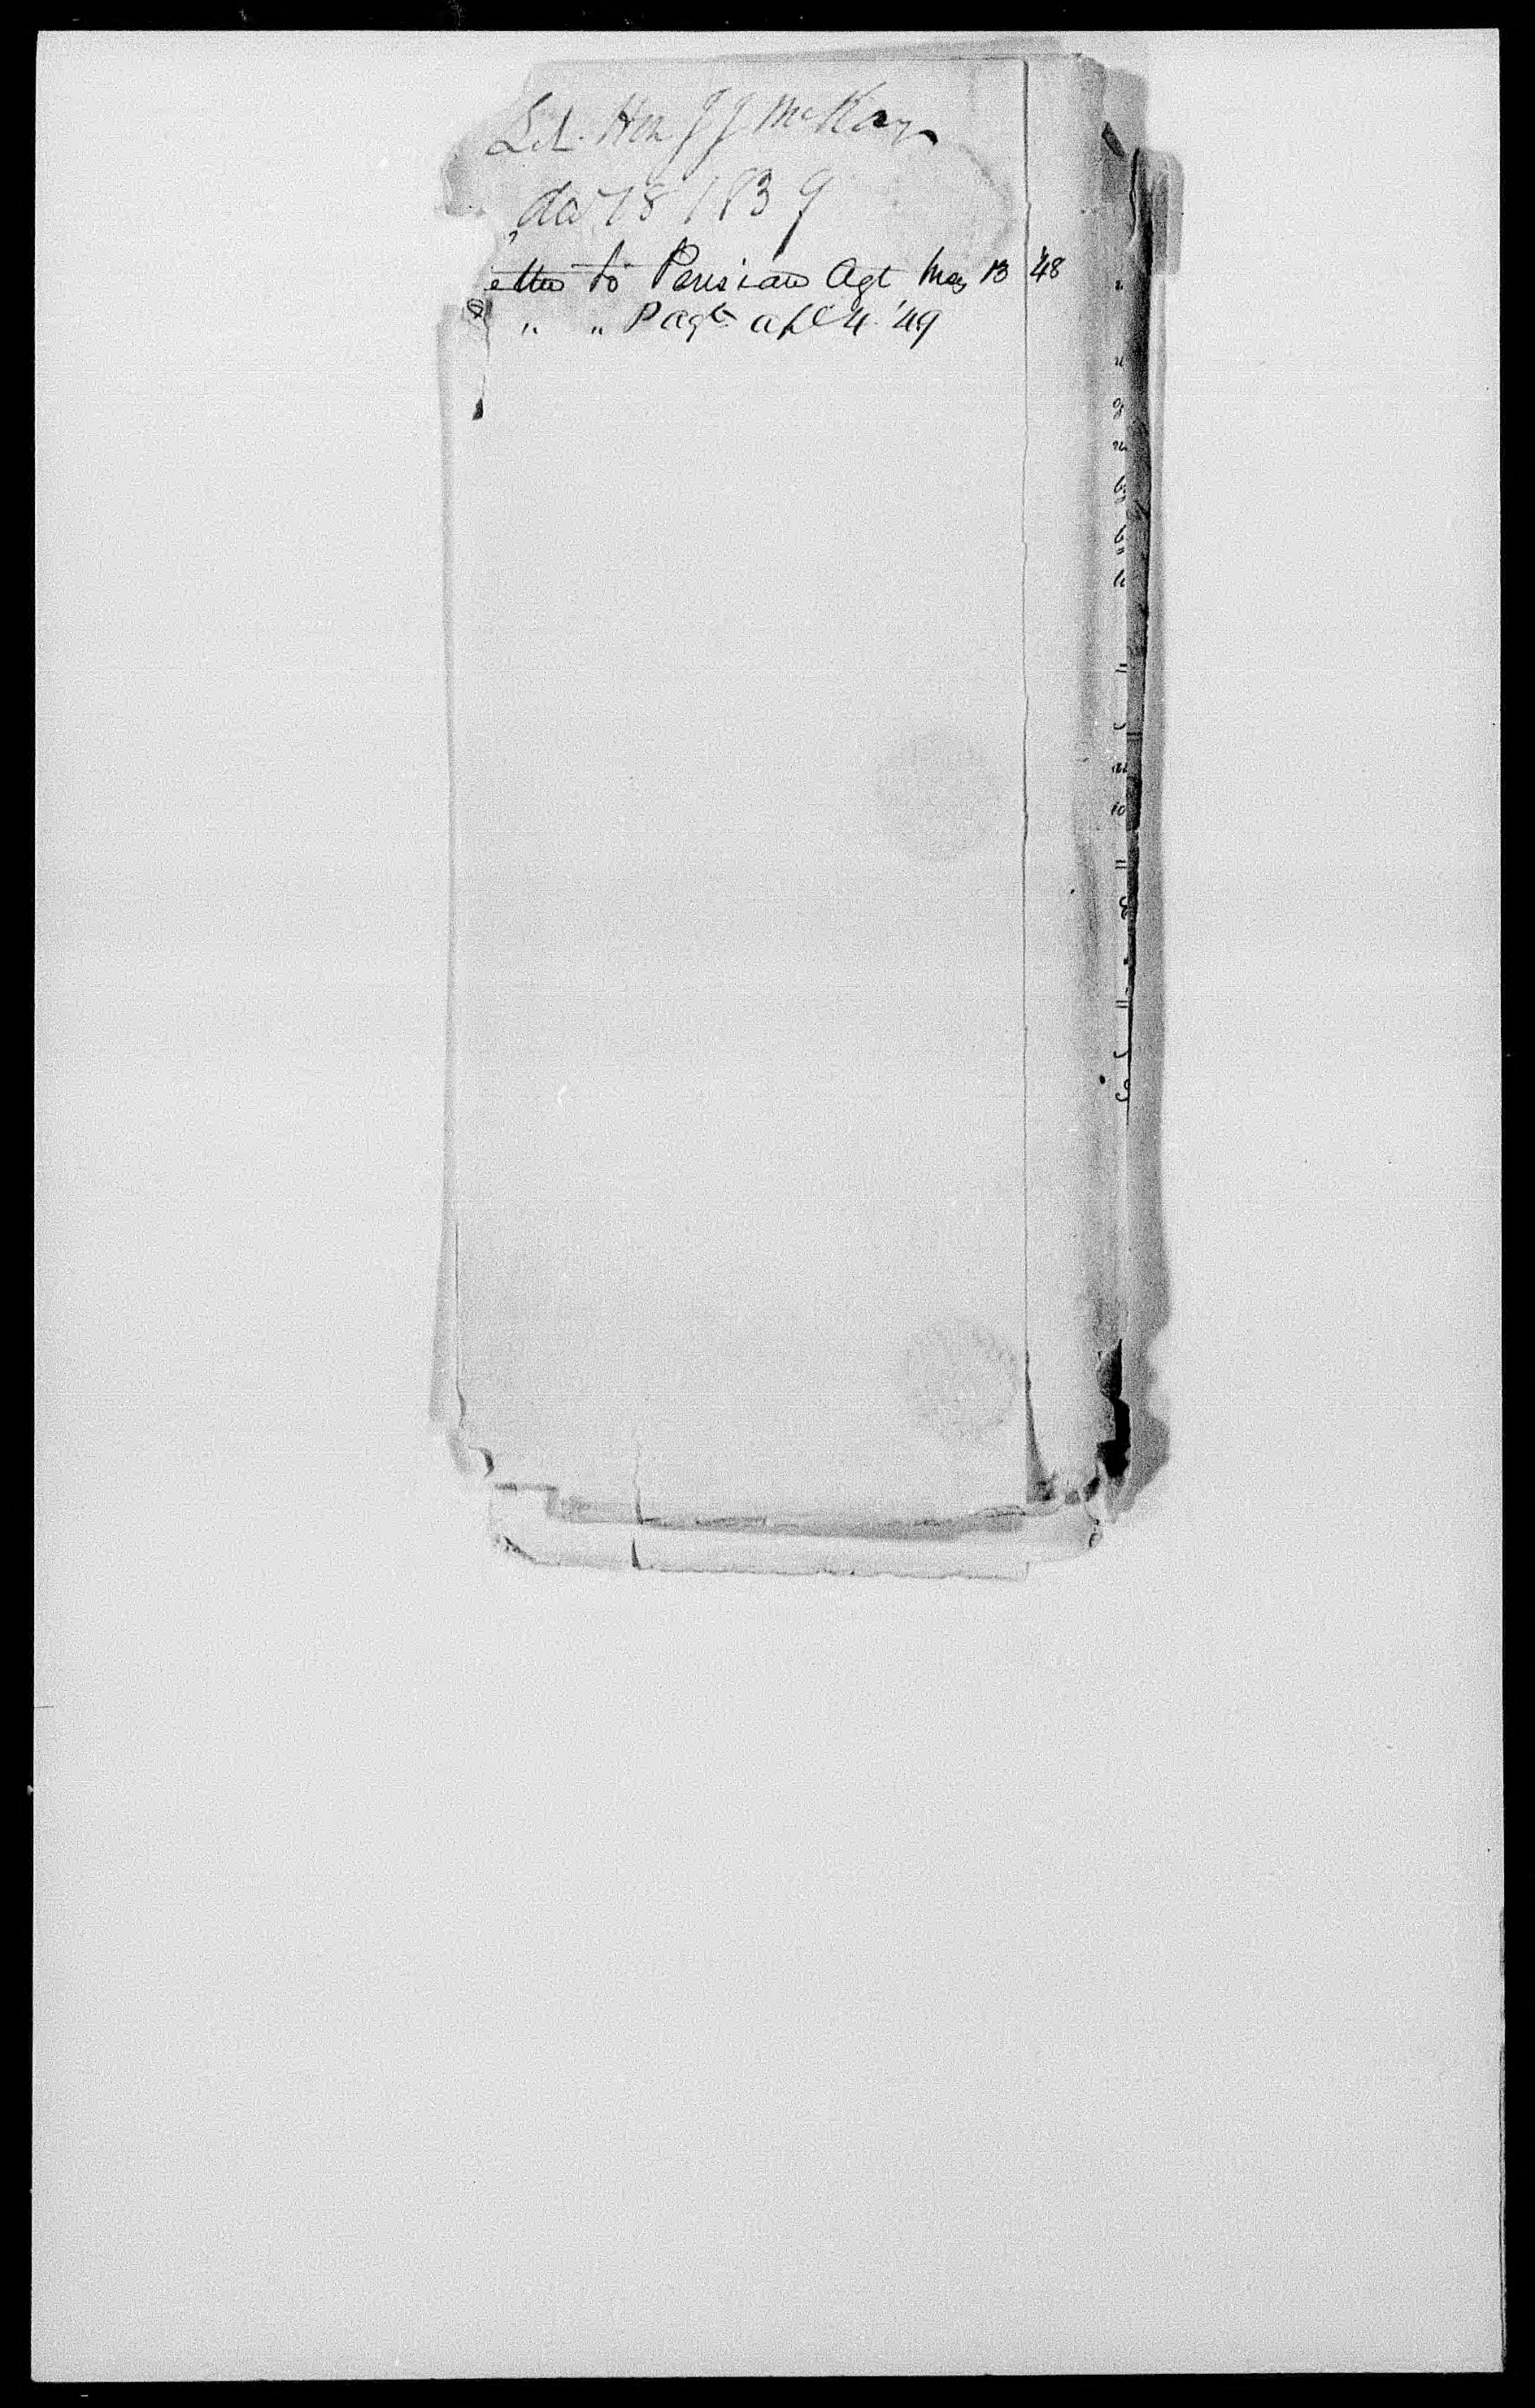S[et]. Hon J J McKay
da 781839

[illegible] to Pension Agt May 13 '48
"                "  [illegible] afl 4 '49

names: J J Mc Coy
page: 2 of 35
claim: widow's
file: W. 9696, Daniel Alderman, N C